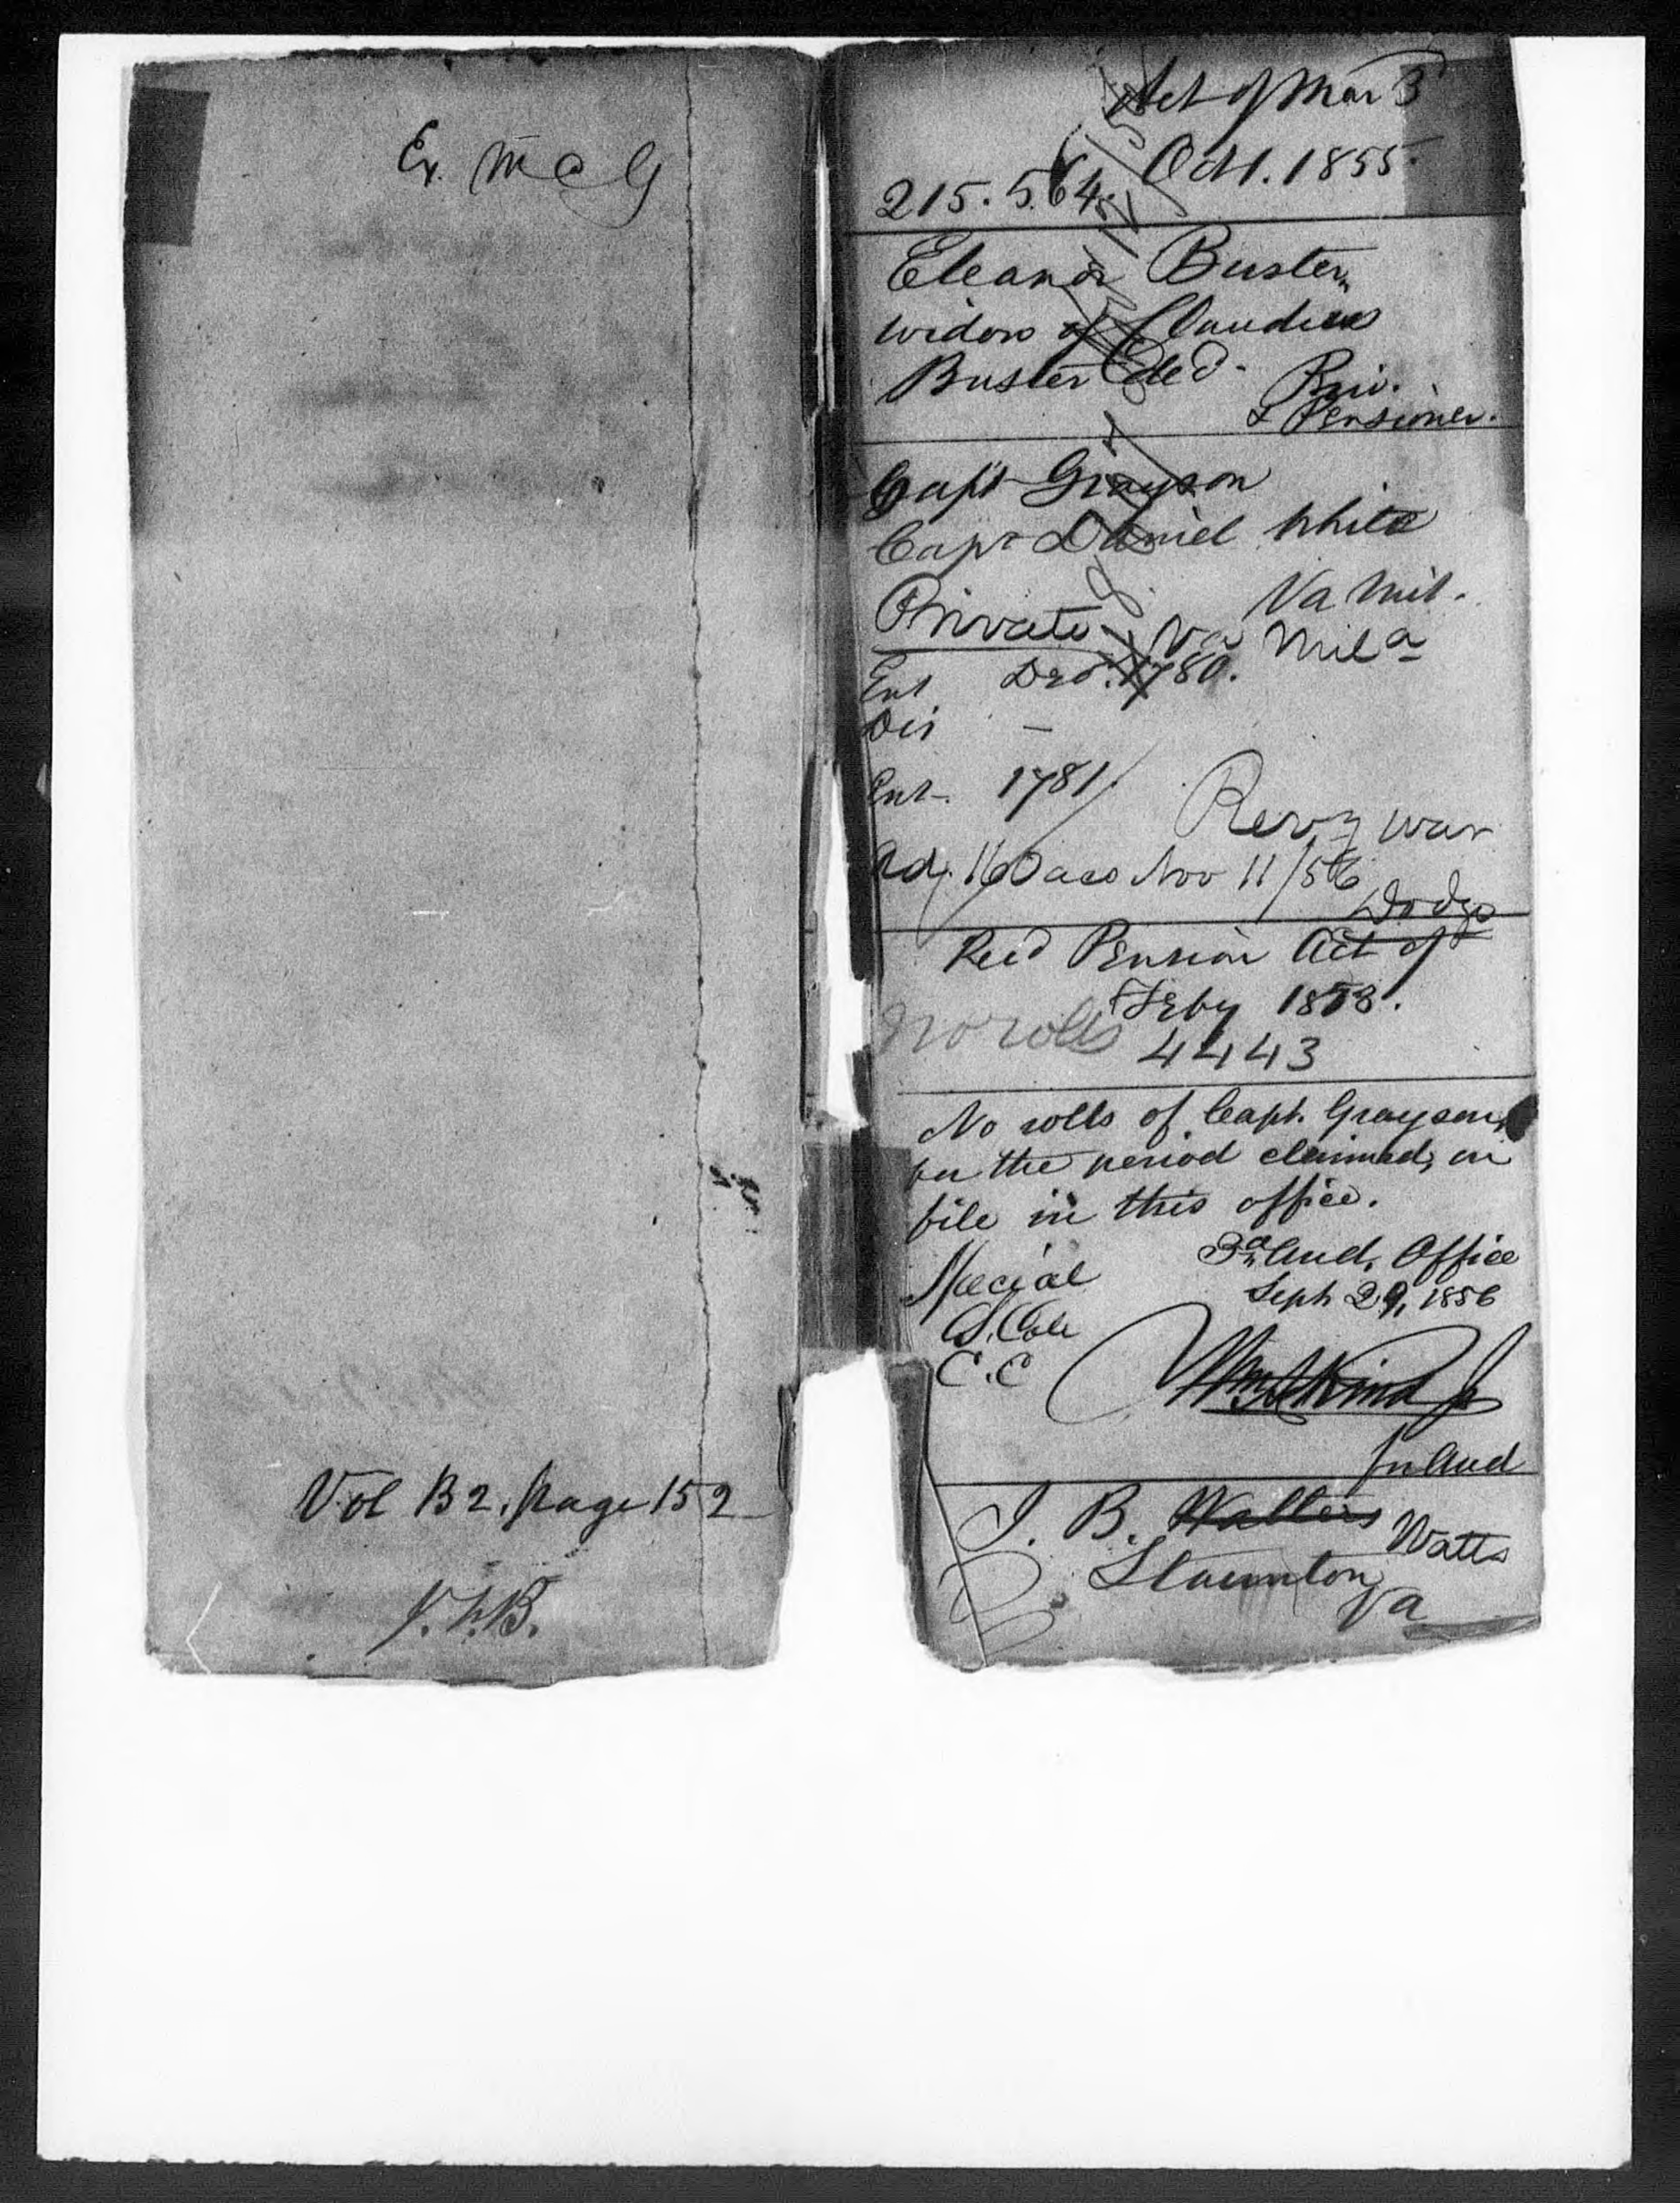Ex. MCG

Vol B2, page 152
J.P.B.

Act of Mar 3d
215.564.   Oct 1. 1855.

Eleanor Buster,
widow of Claudius
Buster dec.d 
Priv, & Pensioner.

Cap't Grayson
Capt Daniel White
Va. mil.
Private va mil.a

Ent Dec 1780.
Dis - 
Ent 1781.   Revy war

Ad. 160 acs Nov 11/56
Dodge

Rec.d Pension Act of 
Feby 1858.
4443
Noroly

No rolls of Capt. Grayson, for the period claimed, on file in this office.
Za lind. Office
Sept 29, 1856

Special
S. Cole
C C

Wm S Kind Jr
for lind

J. B. Watts
Staunton Va

48.607 Nov 12/56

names: Wm S Kind, Grayson, S Cole, Eleanor Buster, Claudius Buster, Daniel White, Grayson, J B Watts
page: 4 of 71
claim: widow's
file: W. 25310, Claudius Buster, Va.